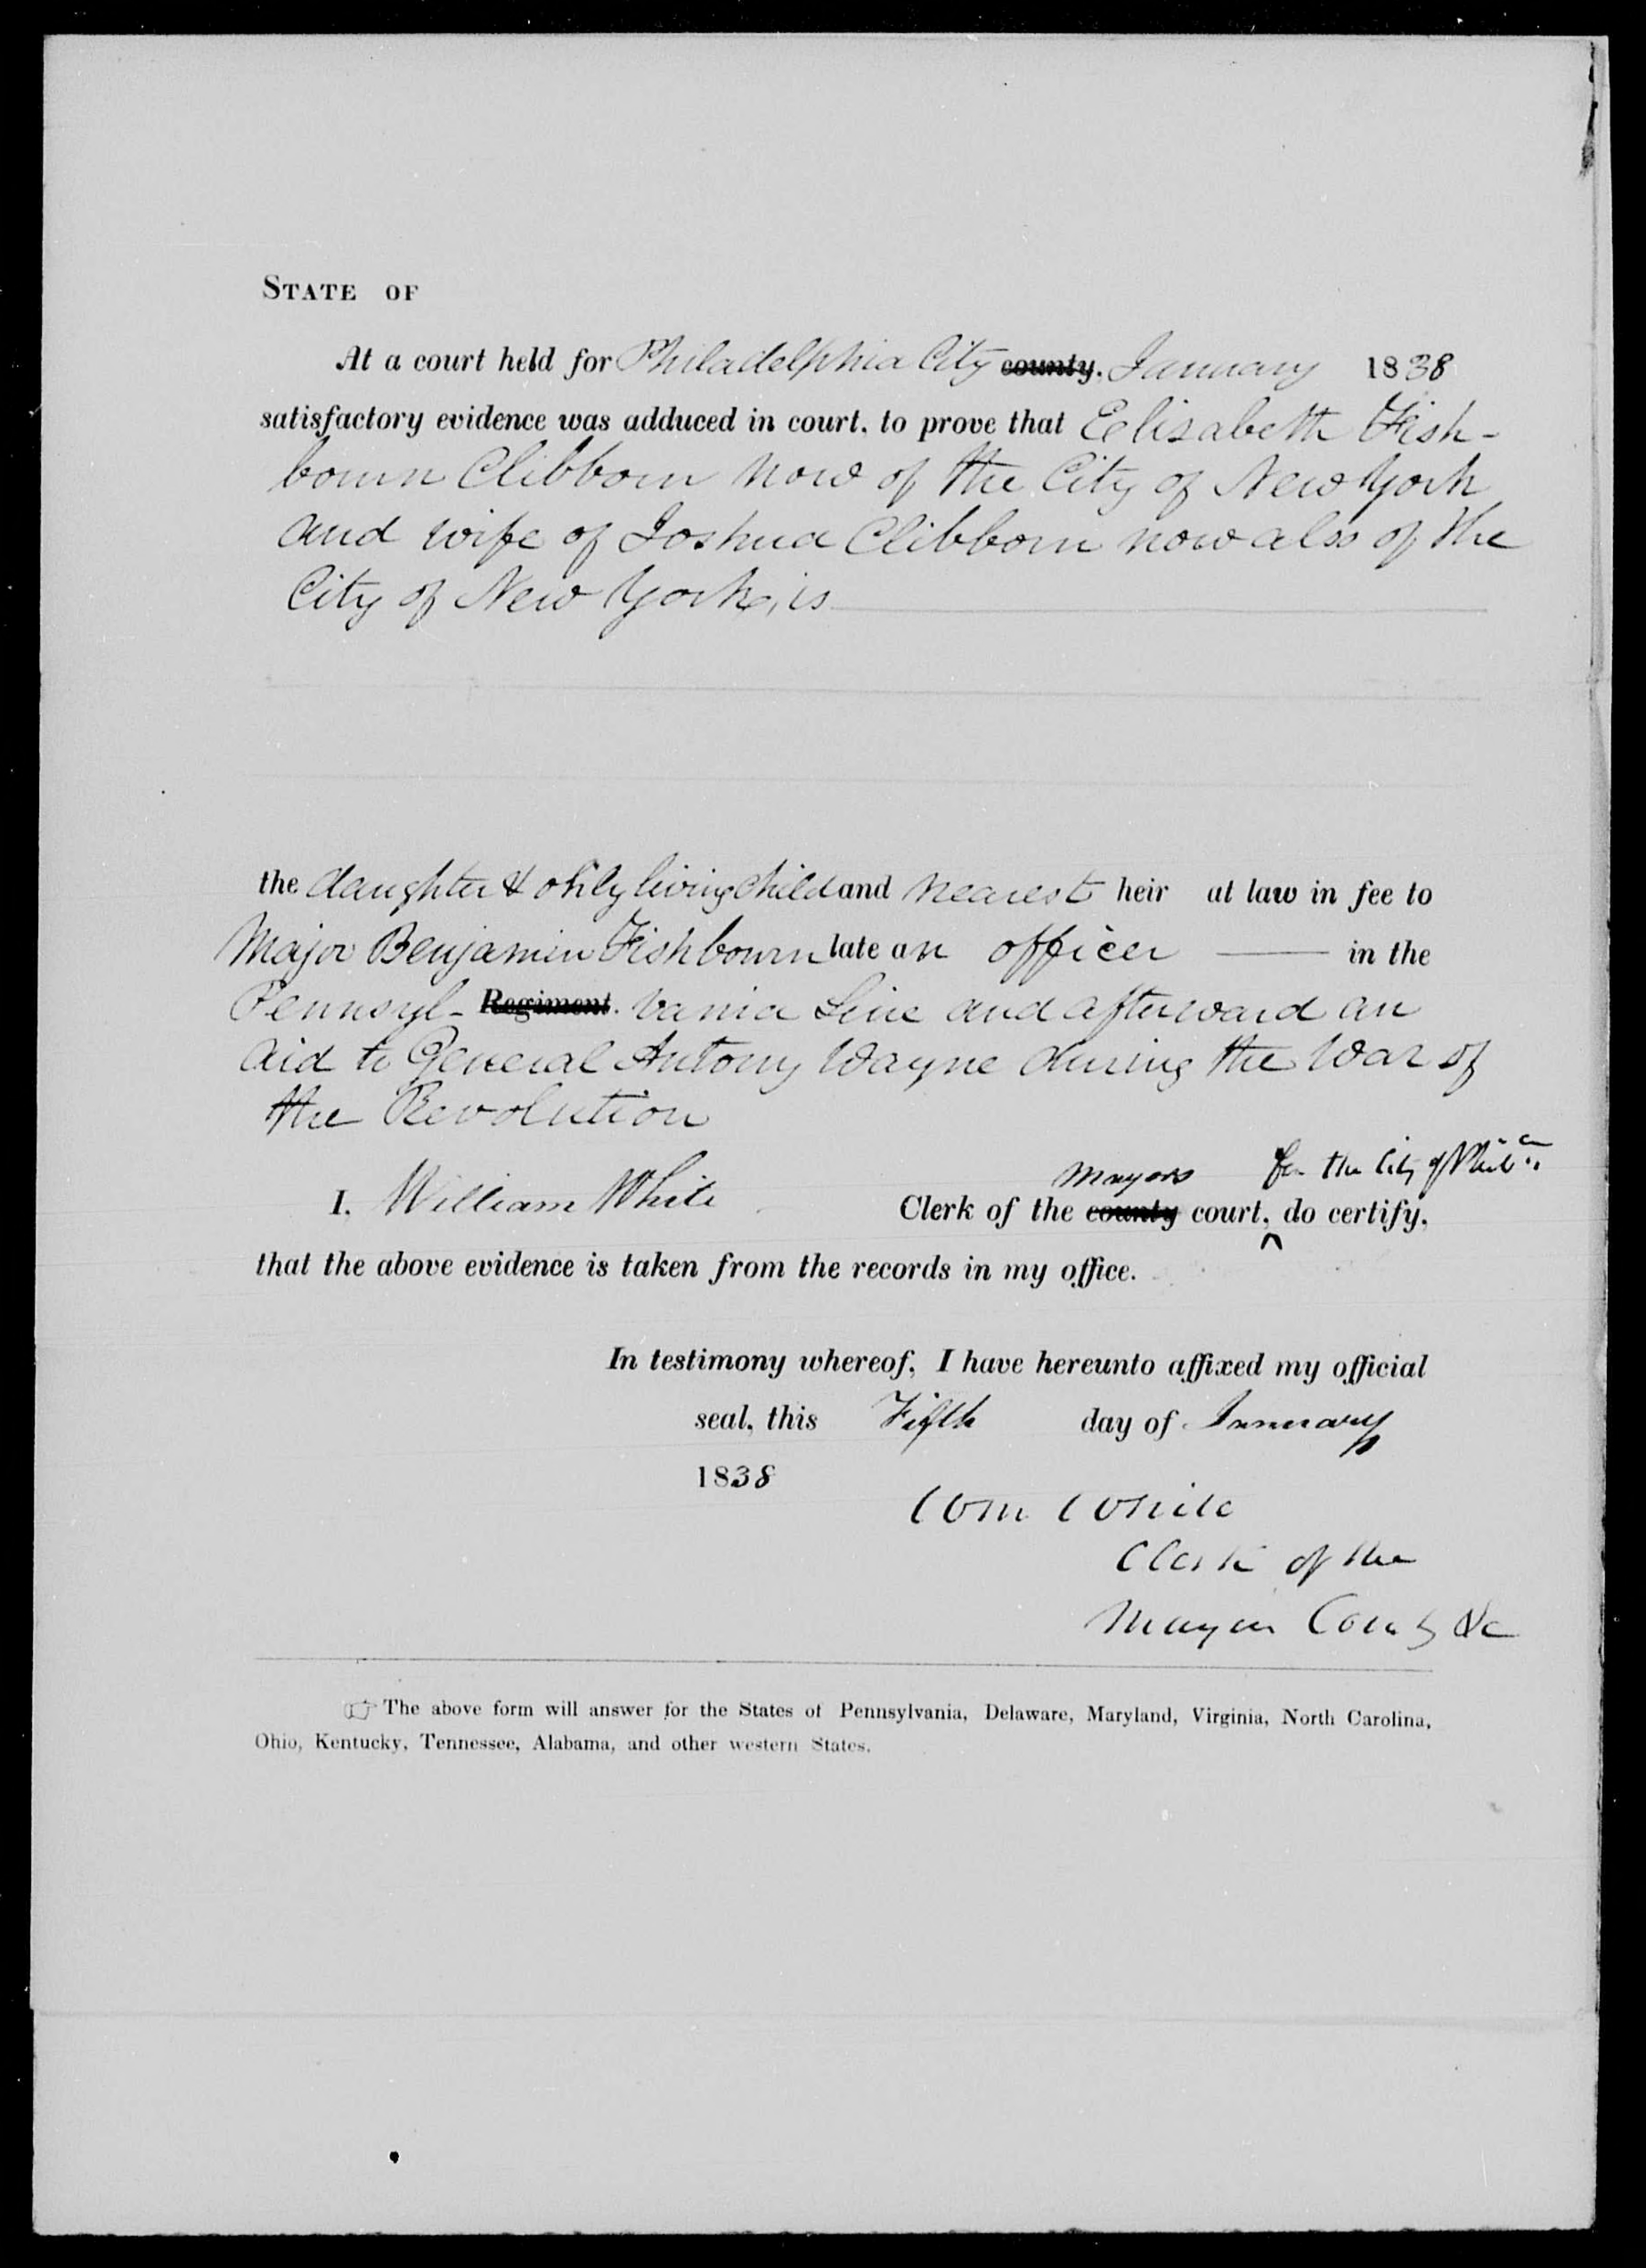STATE OF
At a court held for Philadelphia City (county crossed out), January 1838 satisfactory evidence was adduced in court, to prove that Elizabeth Fishbourn Clibborn now of the City of New York and wife of Joshua Clibborn now also of the City of New York, is the daughter and only living child and nearest heir at law in fee to Major Benjamin Fishborn late an office in the Pennsylvania- (Regiment crossed out)Line and afterward in aid to General Antony Wayne during the War of the Revolution
I, William White Clerk of the Mayors (county crossed out) court, for the City of Philadelphia do certify, that the above evidence is taken from the records in my office.

In testimony whereof, I have hereunto affixed my official seal, this Fifth day of January, 1838
Wm White
Clerk of the Mayors Court etc.

The above form will answer for the States of Pennsylvania, Delaware, Maryland, Virginia, North Carolina, Ohio, Kentucky, Tennessee, Alabama, and other western States.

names: William White, Wm White, Benjamin Fishbourn, Joshua, Elizabeth Fishbourn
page: 6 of 11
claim: bounty land warrant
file: B.L.Wt. 2,206-300, Benjamin Fishbourn, Penn.